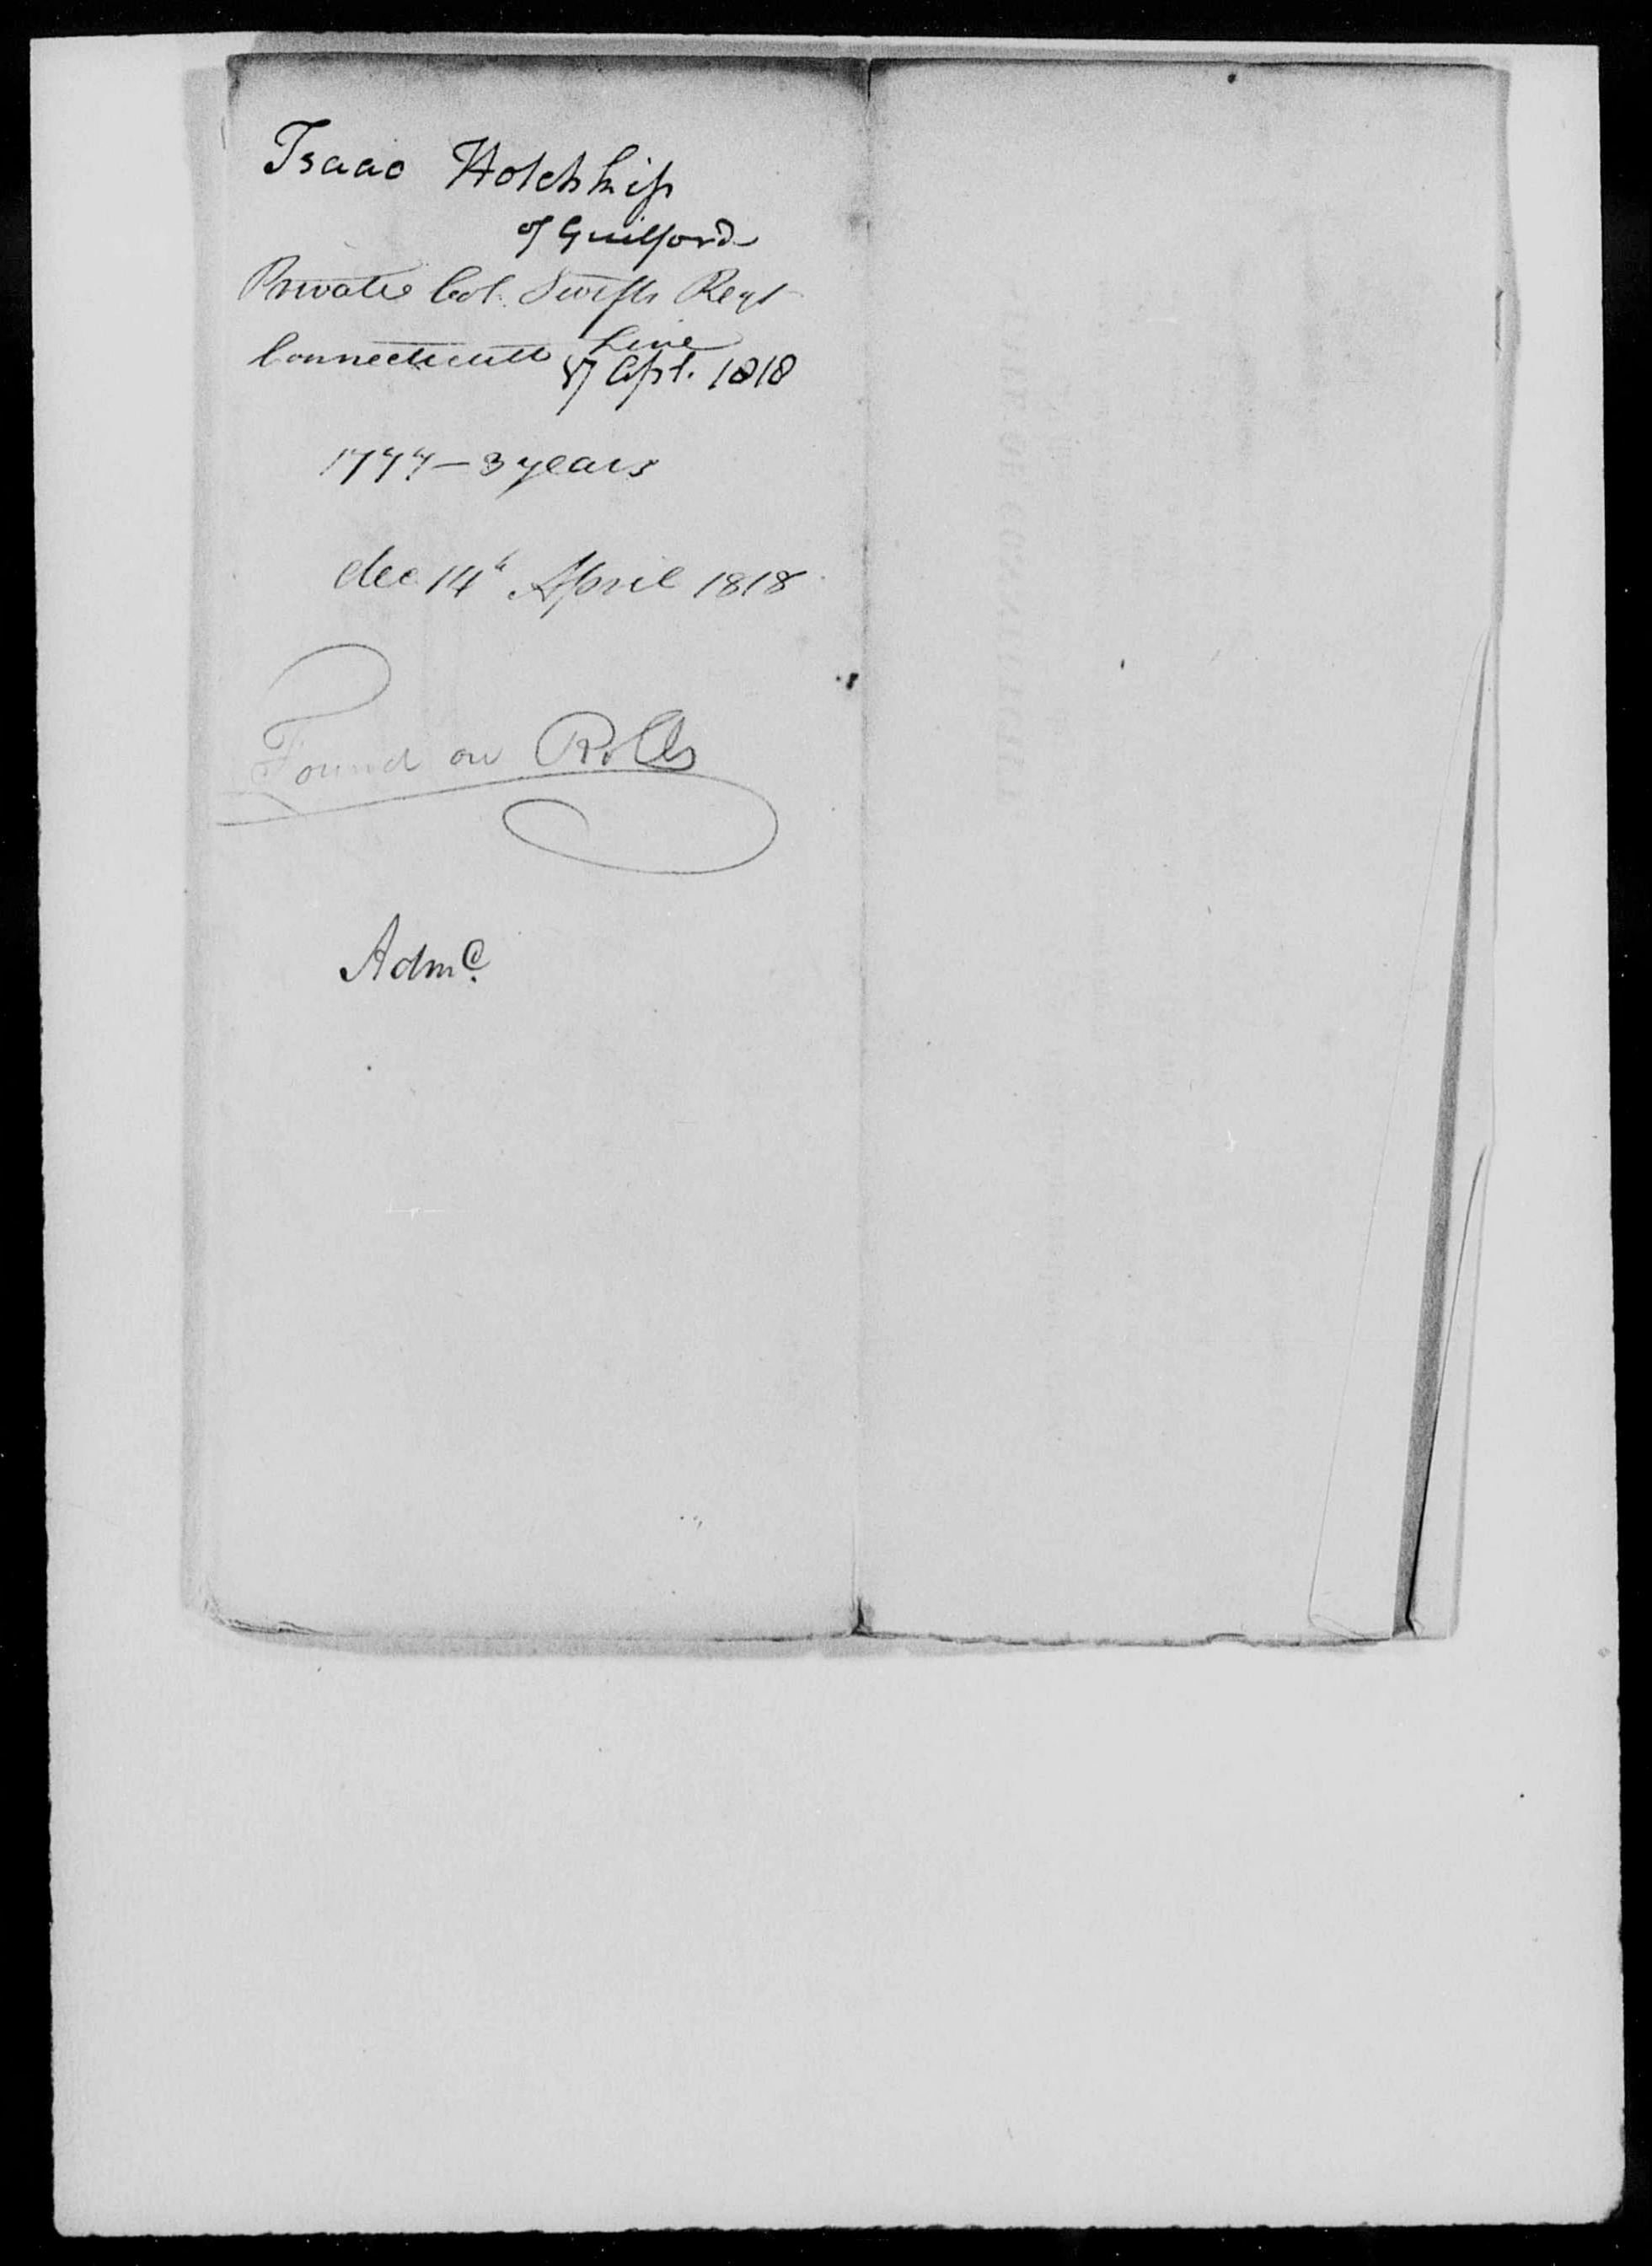Isaac Hotchkiss
of Guilford
Private Col. Seveths (?) Reg
Connecticut Line
87 Apr. 1818

1777 - 3 years

elce 14th April 1818

Found on Rolls

Adm@.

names: Isaac Hotchkiss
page: 4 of 25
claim: widow's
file: W. 18,021, Isaac Hotchkiss, Conn.